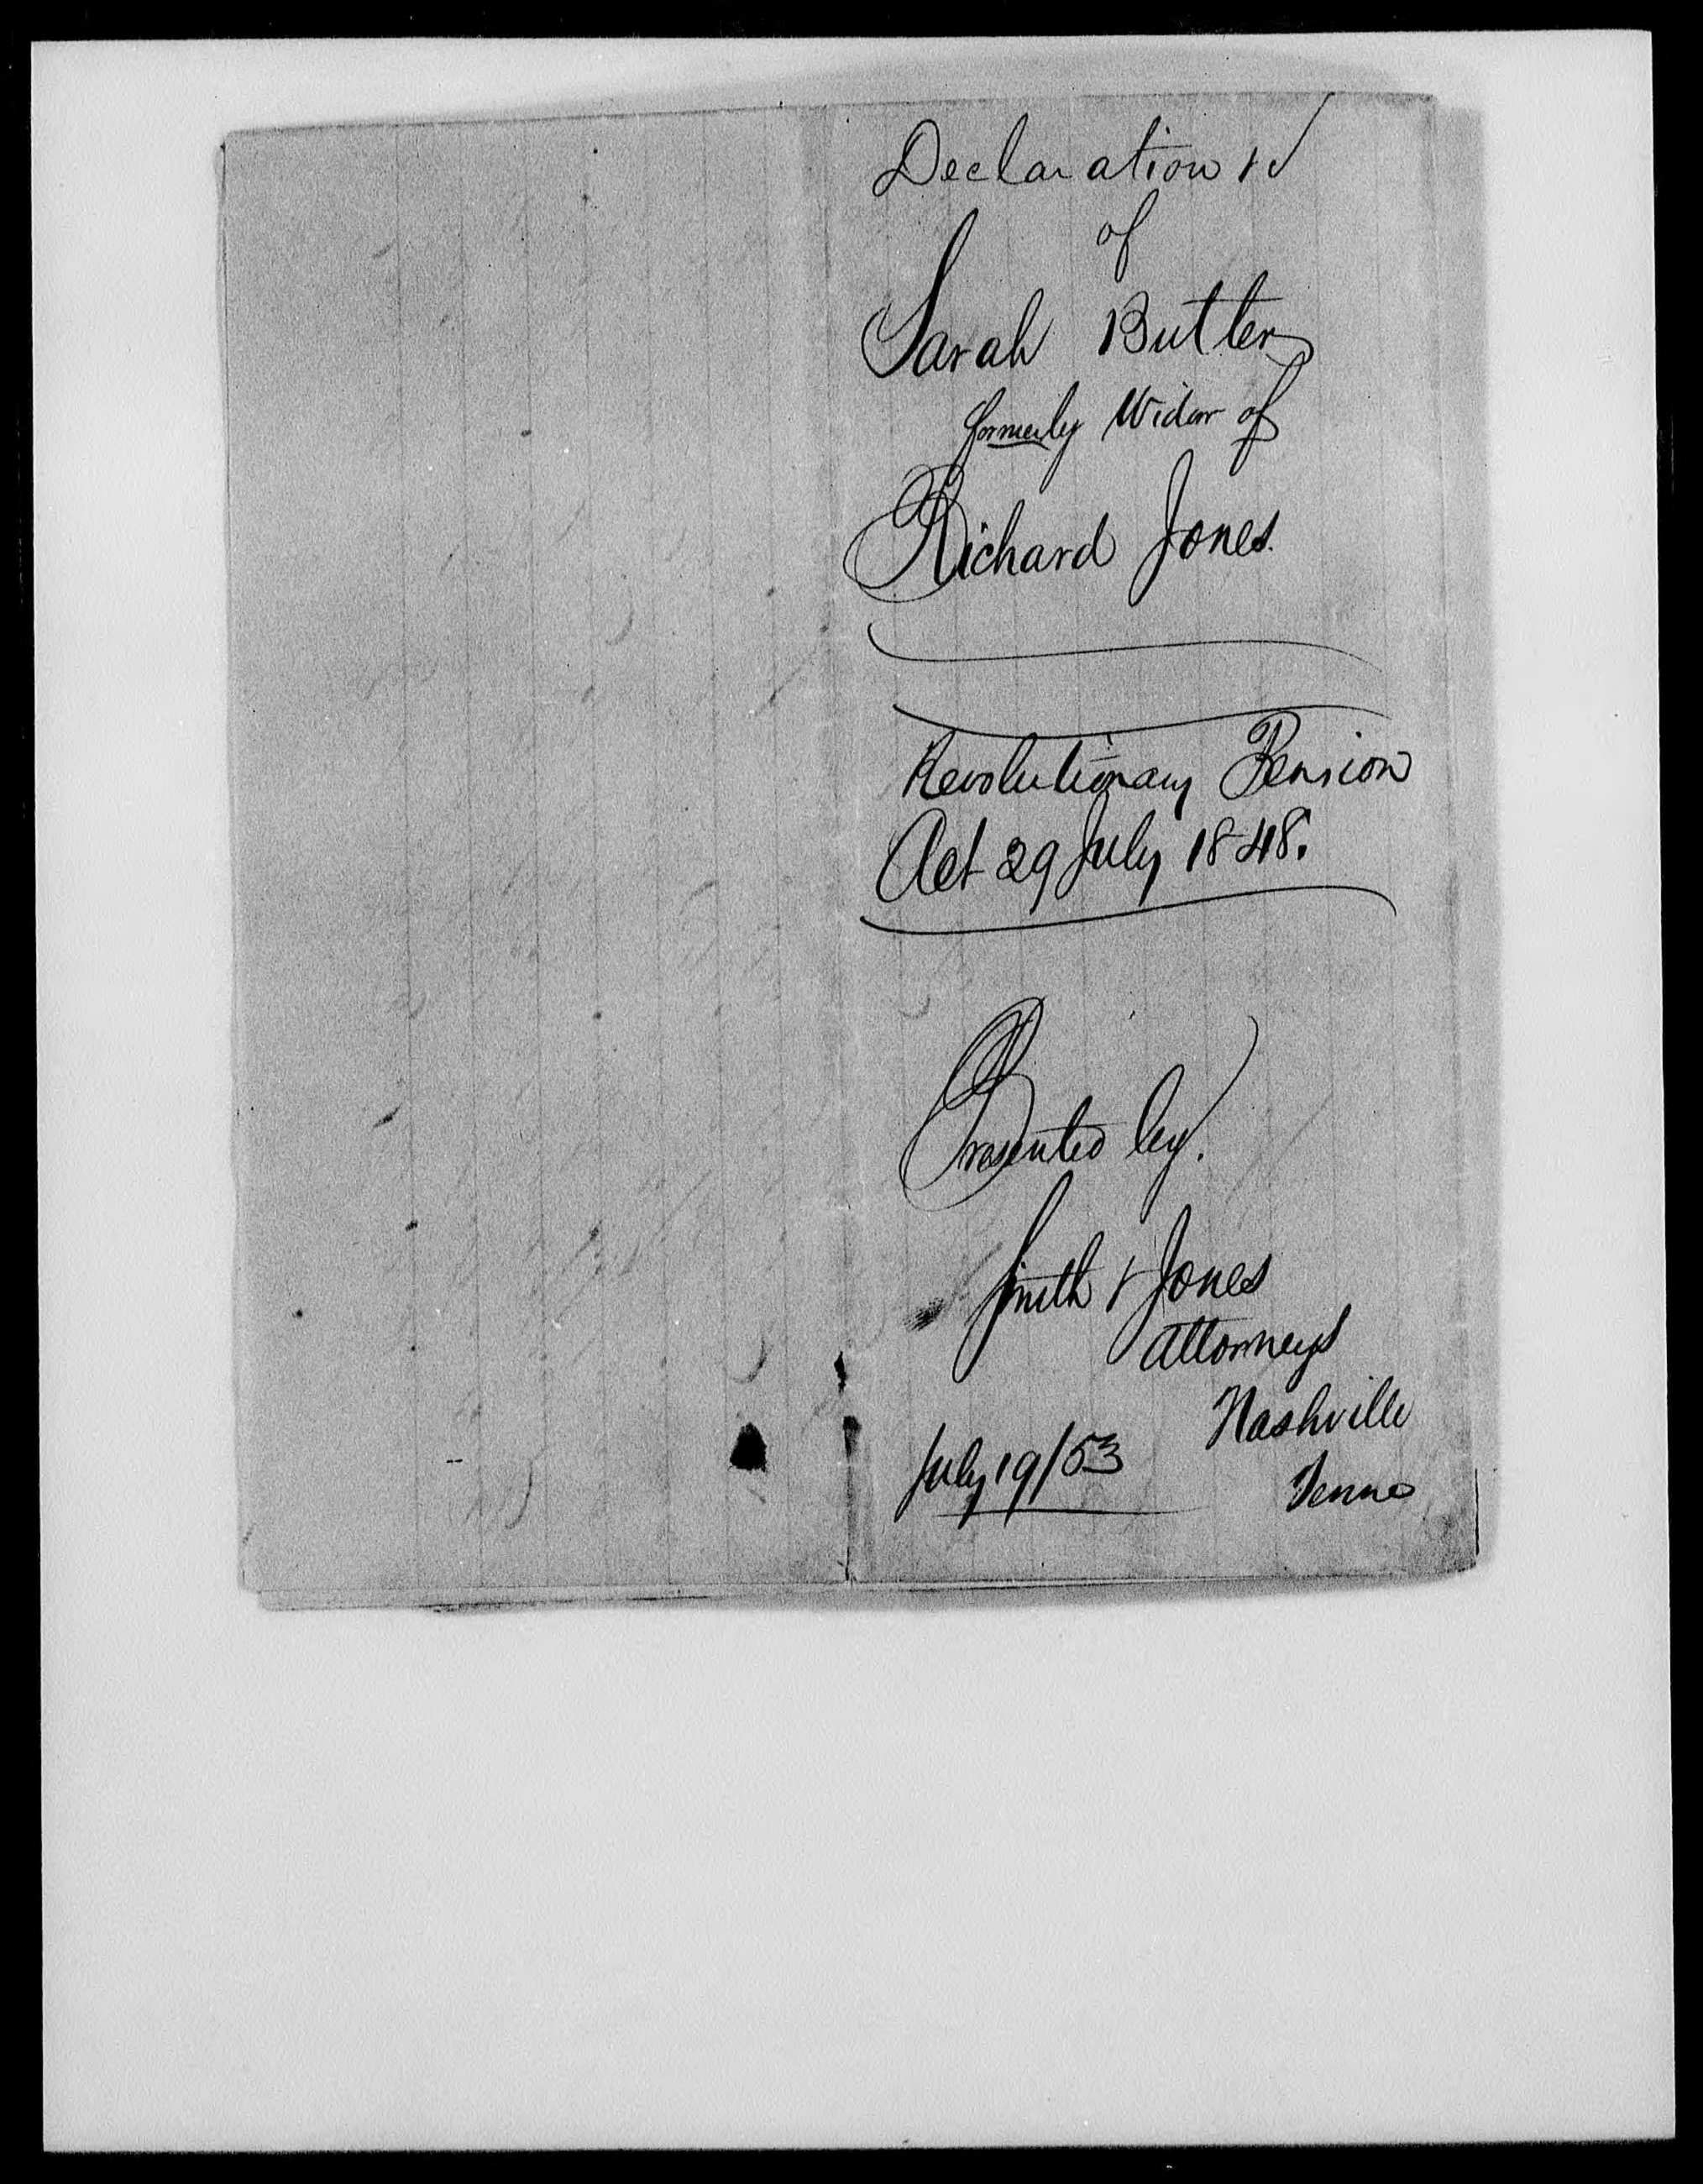Declaration
of 
Sarah Butler
formerly widow of 
Richard Jones

Revolutionary Pension
Act 29 July 1848.


Presented by
Smith & Jones
Attorneys
Nashville
Tenn

July 19/53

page: 4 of 33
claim: rejected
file: R. 1554, for Richard Jones, North Carolina